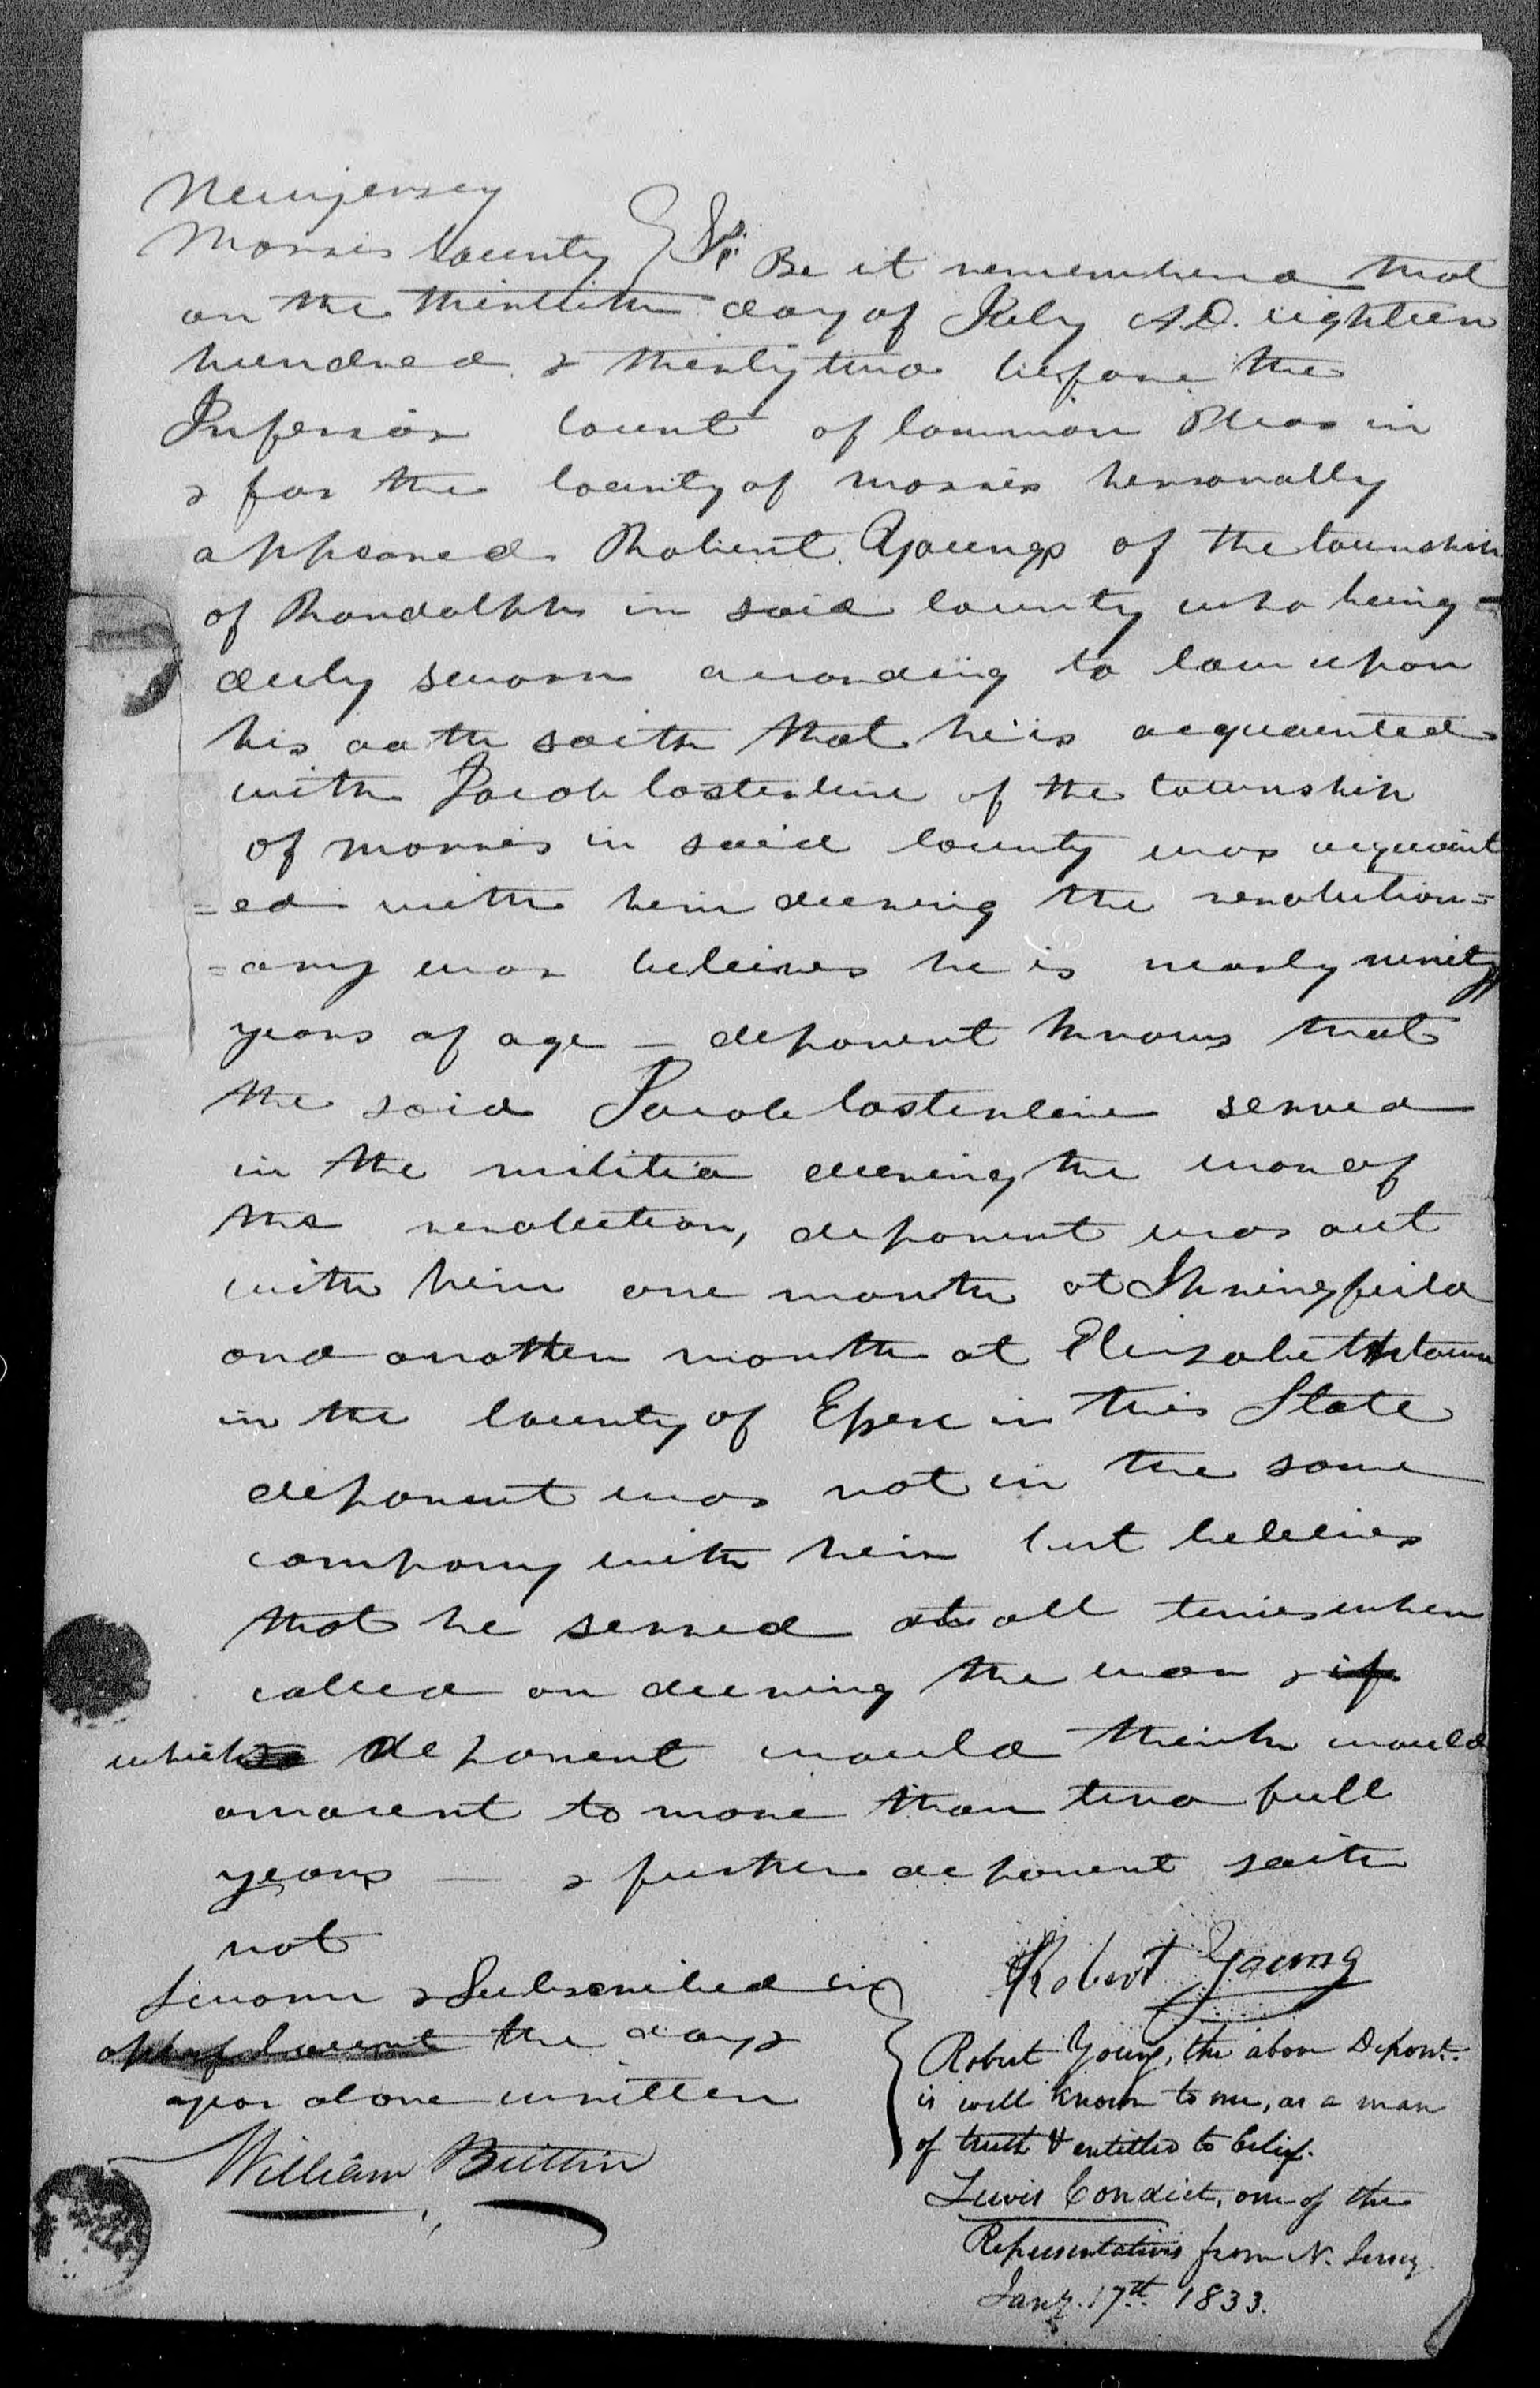New Jersey 
Morris County
Be it remembered that on the thirteenth day of July A.D. eighteen hundred and ninety two before the Inferior Court of Common Pleas in and for the County of Morris personally appeared Robert Youngs of the township of Randolph in said county who having duly sworn according to law whom his oath saith that he is acquainted with Jacob Casterline of the township of Morris in said county was acquainted with him during the revolutionary war believes he is nearly ninety years of age. deponent knows that the said Jacob Casterline served in the militia serving the war of the revolution, deponent was out with him one month at Springfield and another month at Elizabethtown in the county of Essex in this state. deponent was not in the same company with him but believes that he served at all times when called on during the war, and which deponent would think would amount to more than two full years.  Further deponent saith not.  
Sworn and subscribed in [?] the day and year above written
William Brittin

Robert Young
Robert Young, the above deponent is well know to me as a man of truth and entitled to belief.  
Lewis Condict, one of the Representatives from N. Jersey 
Jany 17th 1833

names: Robert Young, Robert Young, Lewis Condict, Jacob Casterline, Jacob Casterline, Robert Youngs, William Brittin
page: 22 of 38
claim: widow's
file: W. 6644, Jacob Casterline, New Jersey